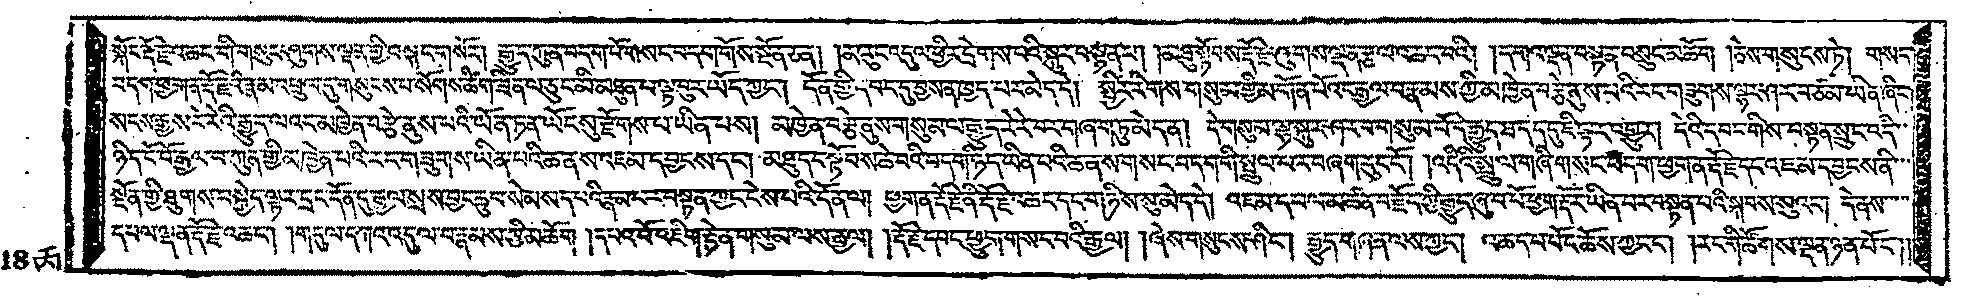སྐོང་རྡོ་རྗེ་འཆང་གི་གསུང་ཤུགས་ལྡན་གྱི་བསྐང་གསོར། རྒྱུད་ཀུན་བདག་པོ་གསང་བདག་གོས་སྔོན་ཅན། །མ་རུང་འདུལ་ཕྱིར་དྲེགས་པའི་སྐུར་བསྟན་པ། །མཐུ་སྟོབས་རྡོ་རྗེ་ཤུགས་ལྡན་རྩལ་འཆང་བའི། །དགའ་ལྡན་བསྟན་བསྲུང་མཆོག །ཅེས་གསུངས་ཏེ། གསང་
བདག་ཕྱག་ན་རྡོ་རྗེའི་རྣམ་འཕྲུལ་དུ་གསུངས་པ་སོགས་ཚིག་ཟིན་ལ་ཅུང་མི་མཐུན་པ་ལྟ་བུར་ཡོད་ཀྱང་། དོན་གྱི་དབང་དུ་བྱས་ན་ཁྱད་པར་མེད་དེ། སྤྱིར་རིགས་གསུམ་གྱི་མགོན་པོའང་རྒྱལ་བ་རྣམས་ཀྱི་མཁྱེན་བརྩེ་ནུས་པའི་རང་གཟུགས་ལྷར་ཤར་བ་ཙམ་ཡིན་ཞིང་།
སངས་རྒྱས་རེ་རེའི་རྒྱུད་ལའང་མཁྱེན་བརྩེ་ནུས་པའི་ཡོན་ཏན་ཡོངས་སུ་རྫོགས་པ་ཡིན་པས། མཁྱེན་བརྩེ་ནུས་གསུམ་ལ་རྒྱུད་རེ་རེ་བར་གཞག་ཏུ་མེད་ན། དེ་གསུམ་ལྷ་སྐུར་ཤར་བ་གསུམ་པོ་དེ་རྒྱུད་ཐ་དད་དུ་ཇི་ལྟར་འགྱུར། དེའི་དབང་གིས་བསྟན་སྲུང་འདི་
ཉིད་ངོ་བོ་རྒྱལ་བ་ཀུན་གྱི་མཁྱེན་པའི་རང་གཟུགས་ཡིན་པའི་ཆ་ནས་འཇམ་དབྱངས་དང་། མཐུ་དང་སྟོབས་ཆེ་བའི་བདག་ཉིད་ཡིན་པའི་ཆ་ནས་གསང་བདག་གི་སྤྲུལ་པར་བཞག་རུང་ངོ། །འདིའི་སྤྲུལ་གཞི་གསང་བདག་ཕྱག་ན་རྡོ་རྗེ་དང་འཇམ་དབྱངས་ནི་
སྔོན་གྱི་ཐུགས་བསྐྱེད་ལྟར་དྲང་དོན་དུ་རྒྱལ་སྲས་བྱང་ཆུབ་སེམས་དཔའི་རྣམ་པར་བསྟན་ཀྱང་ངེས་པའི་དོན་ལ། ཕྱག་ན་རྡོ་རྗེ་ནི་རྡོ་རྗེ་འཆང་དང་གཉིས་སུ་མེད་དེ། འཇམ་དཔལ་མཚན་བརྗོད་ཀྱི་རྒྱུད་ཞུ་བ་པོ་ཕྱག་རྡོར་ཡིན་པར་བསྟན་པའི་སྐབས་སུའང་། དེ་ནས་
དཔལ་ལྡན་རྡོ་རྗེ་འཆང་། །གདུལ་དཀའ་འདུལ་བ་རྣམས་ཀྱི་མཆོག །དཔའ་བོ་འཇིག་རྟེན་གསུམ་ལས་རྒྱལ། །རྡོ་རྗེ་དབང་ཕྱུག་གསང་བའི་རྒྱལ། །ཞེས་གསུངས་ཤིང་། རྒྱུད་གཞན་ལས་ཀྱང་། འཆད་པ་པོ་ང་ཆོས་ཀྱང་ང་། །རང་གི་ཚོགས་ལྡན་ཉན་པོ་ང་། །